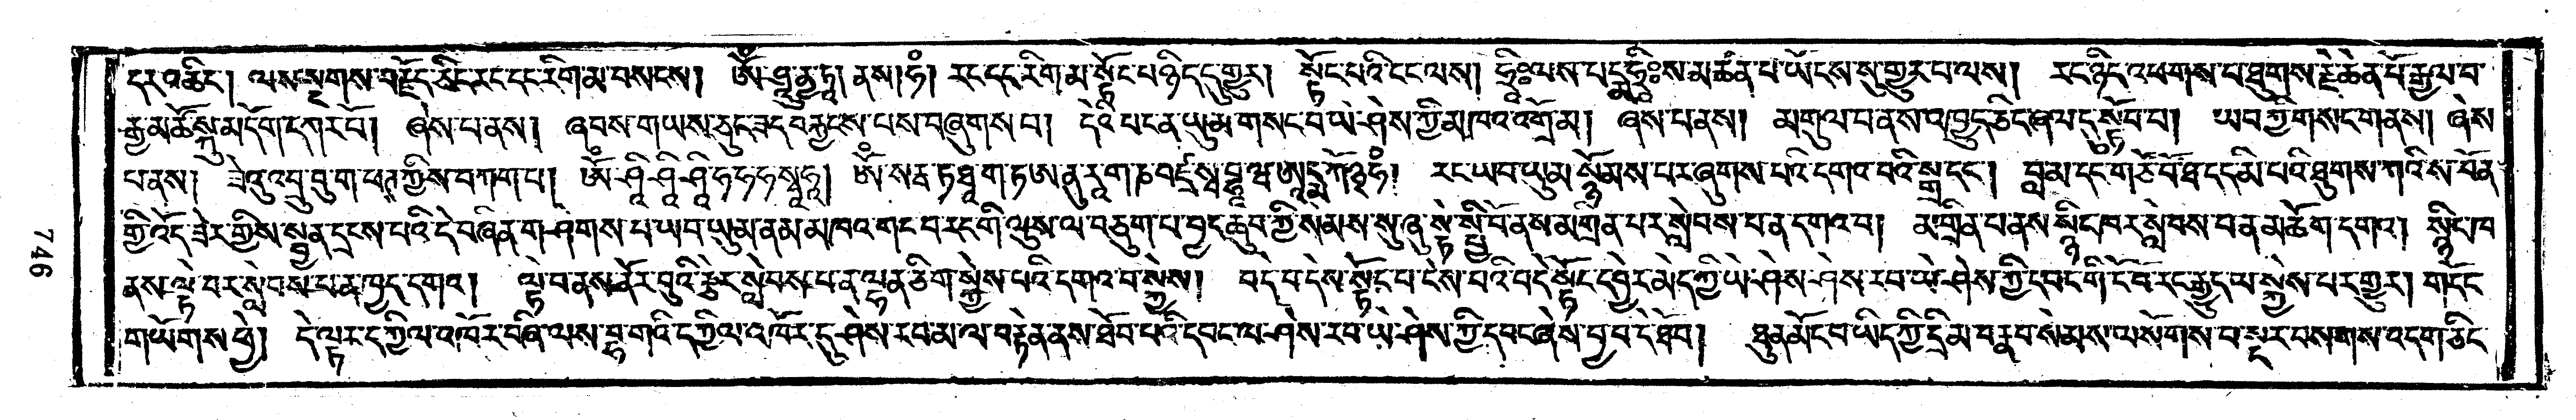དར་འཆིང་། ལས་སྔགས་བརྗོད་ཅིང་རང་དང་རིག་མ་བསངས། ཨོཾ་ཤཱུནྱ་ཏཱ། ནས། ཧཾ། རང་དང་རིག་མ་སྟོང་པ་ཉིད་དུ་གྱུར། སྟོང་པའི་ངང་ལས། ཧྲཱིཿལས་པདམ་ཧྲཱིཿས་མཚན་པ་ཡོངས་སུ་གྱུར་པ་ལས། རང་ཉིད་འཕགས་པ་ཐུགས་རྗེ་ཆེན་པོ་རྒྱལ་བ་
རྒྱ་མཚོ་སྐུ་མདོག་དཀར་པོ། ཞེས་པ་ནས། ཞབས་གཡས་ཅུང་ཟད་བརྐྱངས་པས་བཞུགས་པ། དེའི་པང་ན་ཡུམ་གསང་བ་ཡེ་ཤེས་ཀྱི་མཁའ་འགྲོ་མ། ཞེས་པ་ནས། མགུལ་བ་ནས་འཁྱུད་ཅིང་ཞལ་དུ་སྟོབ་པ། ཡབ་ཀྱི་གསང་གནས། ཞེས་
པ་ནས། ཟེའུ་འབྲུ་བུ་ག་ཕཊ་ཀྱིས་བཀག་པ། ཨོཾ་ཤཱི་ཤཱི་ཤཱི་ཧ་ཧ་ཧ་སྭཱཧཱ། ཨོཾ་སརྦ་ཏ་ཐཱ་ག་ཏ་ཨ་ནུ་རཱ་ག་ཎ་བཛྲ་སྭབྷཱ་ཝ་ཨཱདམ་ཀོཉཧཾ། རང་ཡབ་ཡུམ་སྙོམས་པར་ཞུགས་པའི་དགའ་བའི་སྒྲ་དང་། བླ་མ་དང་གཙོ་བོ་ཐ་དད་མི་པའི་ཐུགས་ཀའི་ས་བོན་
གྱི་འོད་ཟེར་གྱིས་སྤྱན་དྲངས་པའི་དེ་བཞིན་གཤེགས་པ་ཡབ་ཡུམ་ནམ་མཁའ་གང་བ་རང་གི་ལུས་ལ་བཅུག་པ་བྱང་ཆུབ་ཀྱི་སེམས་སུ་ཞུ་སྟེ་སྤྱི་བོ་ནས་མགྲིན་པར་སླེབས་པ་ན་དགའ་བ། མགྲིན་པ་ནས་སྙིང་ཁར་སླེབས་བ་ན་མཆོག་དགའ། སྙིང་ཁ་
ནས་ལྟེ་བར་སླེབས་པ་ན་ཁྱད་དགའ། ལྟེ་བ་ནས་ནོར་བུའི་རྩེར་སླེབས་པ་ན་ལྷན་ཅིག་སྐྱེས་པའི་དགའ་བ་སྐྱེས། བདེ་བ་དེས་སྟོང་པ་ངེས་པའི་བདེ་སྟོང་དབྱེར་མེད་ཀྱི་ཡེ་ཤེས་ཤེས་རབ་ཡེ་ཤེས་ཀྱི་དབང་གི་ངོ་བོ་རང་རྒྱུད་ལ་སྐྱེས་པར་གྱུར། གདོང་
གཡོགས་ཕྱེ། དེ་ལྟར་དཀྱིལ་འཁོར་བཞི་ལས་བྷ་གའི་དཀྱིལ་འཁོར་དུ་ཤེས་རབ་མ་ལ་བརྟེན་ནས་ཐོབ་པའི་དབང་ལ་ཤེས་རབ་ཡེ་ཤེས་ཀྱི་དབང་ཞེས་བྱ་བ་དེ་ཐོབ། ཐུན་མོང་བ་ཡིད་ཀྱི་དྲི་མ་བརྣབ་སེམས་ལ་སོགས་པ་སྔར་བསགས་འདག་ཅིང་